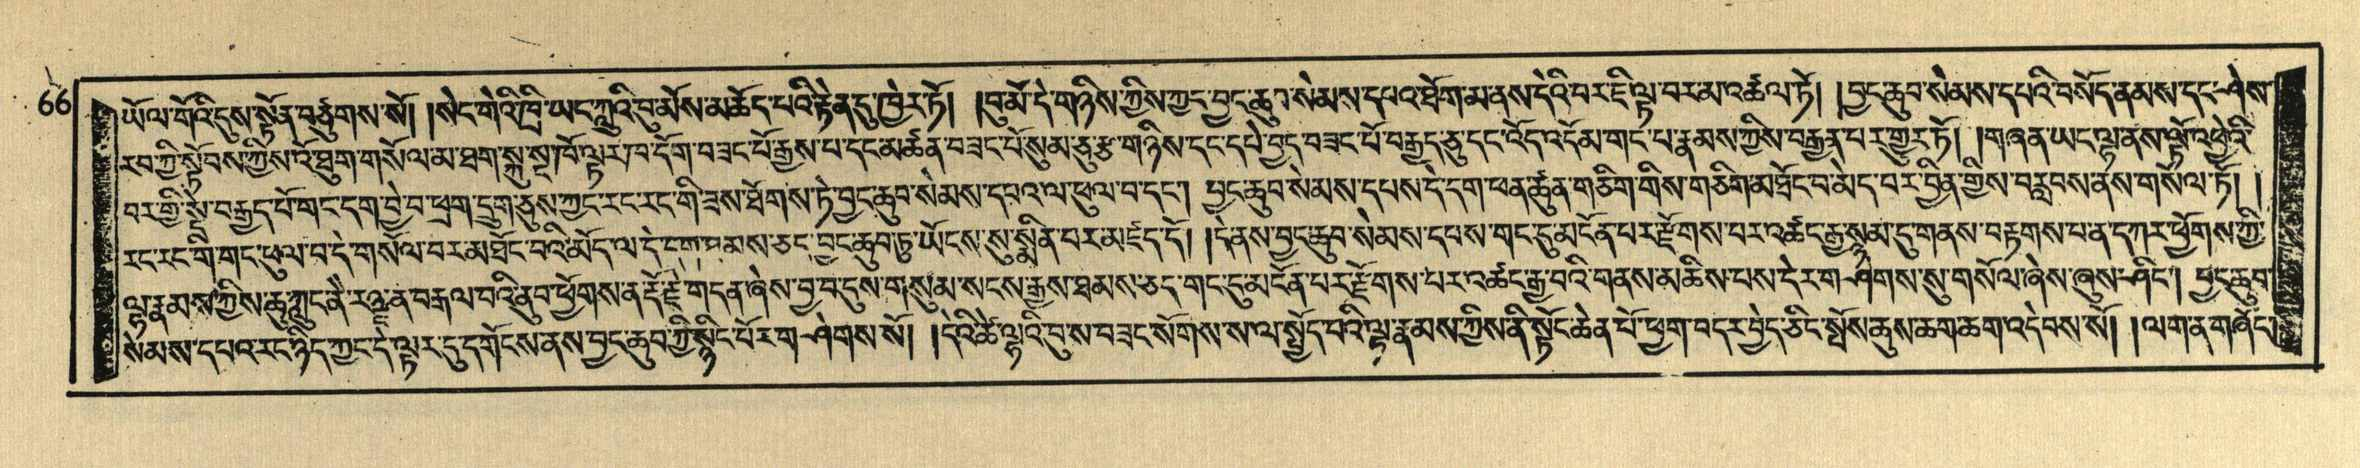ཡོལ་གོའི་དུས་སྟོན་བཙུགས་སོ། །སེང་གེའི་ཁྲི་ཡང་ཀླུའི་བུ་མོས་མཆོད་པའི་རྟེན་དུ་ཁྱེར་ཏོ། །བུ་མོ་དེ་གཉིས་ཀྱིས་ཀྱང་བྱང་ཆུབ་སེམས་དཔའ་ཐོག་མ་ནས་དེའི་བར་ཇི་ལྟ་བར་མ་འཚལ་ཏོ། །བྱང་ཆུབ་སེམས་དཔའི་བསོད་ནམས་དང་ཤེས་
རབ་ཀྱི་སྟོབས་ཀྱིས་འོ་ཐུག་གསོལ་མ་ཐག་སྐུ་སྔ་ཁོ་ལྟར་ཁ་དོག་བཟང་པོ་རྒྱས་པ་དང་མཚན་བཟང་པོ་སུམ་ཅུ་རྩ་གཉིས་དང་དཔེ་བྱད་བཟང་པོ་བརྒྱད་ཅུ་དང་འོད་འདོམ་གང་པ་རྣམས་ཀྱིས་བརྒྱན་པར་གྱུར་ཏོ། །གཞན་ཡང་ལྷ་ནས་ལྟོ་འཕྱེའི་
བར་གྱི་སྡེ་བརྒྱད་པོ་གང་དག་བྱེ་བ་ཕྲག་དྲུག་ཅུས་ཀྱང་རང་རང་གི་ཟས་ཐོགས་ཏེ་བྱང་ཆུབ་སེམས་དཔའ་ལ་ཕུལ་བ་དང་། བྱང་ཆུབ་སེམས་དཔས་དེ་དག་ཕན་ཚུན་གཅིག་གིས་གཅིག་མཐོང་བ་མེད་བར་བྱིན་གྱིས་བརླབས་ནས་གསོལ་ཏོ། །
རང་རང་གི་གང་ཕུལ་བ་དེ་གསོལ་བར་མཐོང་བའི་མོད་ལ་དེ་དག་ཐམས་ཅད་བྱང་ཆུབ་ཏུ་ཡོངས་སུ་སྨིན་པར་མཛད་དོ། །དེ་ནས་བྱང་ཆུབ་སེམས་དཔས་གང་དུ་མངོན་པར་རྫོགས་པར་འཚང་རྒྱ་སྙམ་དུ་གནས་བརྟགས་པ་ན་དཀར་ཕྱོགས་ཀྱི་
ལྷ་རྣམས་ཀྱིས་ཆུ་ཀླུང་ནཻ་རཉྫ་ན་བརྒལ་བའི་ནུབ་ཕྱོགས་ན་རྡོ་རྗེ་གདན་ཞེས་བྱ་བ་དུས་གསུམ་སངས་རྒྱས་ཐམས་ཅད་གང་དུ་མངོན་པར་རྫོགས་པར་འཚང་རྒྱ་བའི་གནས་མཆིས་པས་དེར་གཤེགས་སུ་གསོལ་ཞེས་ཞུས་ཤིང་། བྱང་ཆུབ་
སེམས་དཔའ་རང་ཉིད་ཀྱང་དེ་ལྟར་དུ་དགོངས་ནས་བྱང་ཆུབ་ཀྱི་སྙིང་པོར་གཤེགས་སོ། །དེའི་ཚེ་ལྷའི་བུས་བཟང་སོགས་ས་ལ་སྤྱོད་པའི་ལྷ་རྣམས་ཀྱིས་ནི་སྟོང་ཆེན་པོ་ཕྱག་བདར་བྱེད་ཅིང་སྤོས་ཆུས་ཆག་ཆག་འདེབས་སོ། །ལག་ན་གཞོང་